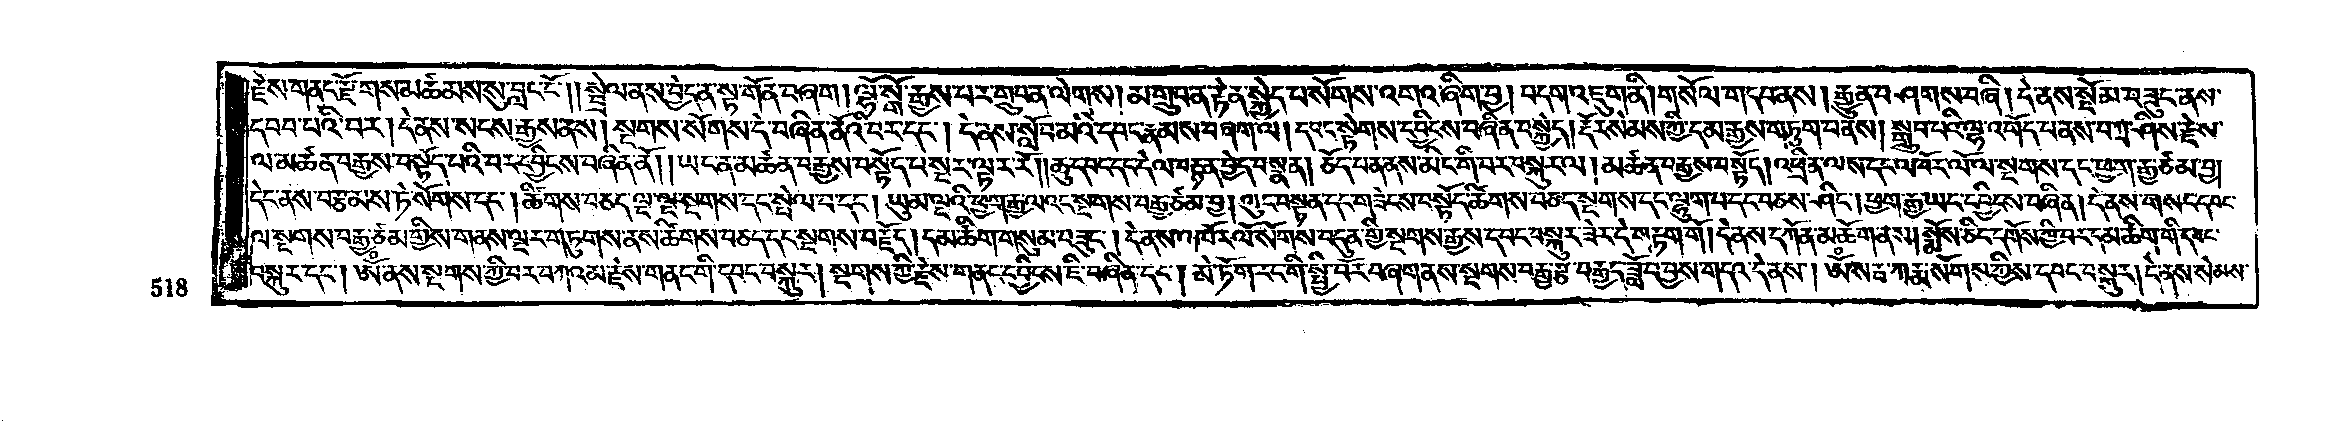རྗེས་གནང་རྫོགས་མཚམས་སུ་བླང་ངོ། །སྦྲེལ་ནས་བྱེད་ན་སྟ་གོན་བཞག །ལྷོ་སྒོ་རྒྱས་པར་གྲུབ་ན་ལེགས། མ་གྲུབ་ན་རྟེན་སྐྱེད་པ་སོགས་འགའ་ཞིག་བྱ། བདག་འཇུག་ནི། གསོལ་གདབ་ནས། རྒྱུན་བཤགས་བཞི། དེ་ནས་སྡོམ་བཟུང་ནས་
དབབ་པའི་བར། དེ་ནས་སངས་རྒྱས་ནས། སྔགས་སོགས་དེ་བཞིན་ནོའི་བར་དང་། དེ་ནས་སློབ་མའི་དབང་རྣམས་བཞག་ལ། དབང་སྟེགས་དབྱིངས་བཞིན་བསྐྱེད། རྡོར་སེམས་ཀྱི་དམ་རྒྱས་གཏུག་པ་ནས། སྒྲུབ་པའི་ལྷ་འགོད་པ་ནས་བཀྲ་ཤིས་རྗེས་
ལ་མཚན་བརྒྱས་བསྟོད་པའི་བར་དབྱིངས་བཞིན་ནོ། །ཡང་ན་མཚན་བརྒྱས་བསྟོད་པ་སྔར་ལྟར་རོ། །ཆུ་དབང་དང་དེ་ལ་བརྟན་བྱེད་བསྣན། ཅོད་པན་ནས་མིང་གི་བར་བསྐུར་ལ། མཚན་བརྒྱས་བསྟོད། འཕྲིན་ལས་དང་འཁོར་ལོ་ལ་སྔགས་དང་ཕྱག་རྒྱ་ཙམ་བྱ།
དེང་ནས་བརྩམས་ཏེ་སོགས་དང་། ཚིགས་བཅད་ལྔ་ལྔ་སྔགས་དང་སྤེལ་བ་དང་། ཡུམ་ལྔའི་ཕྱག་རྒྱ་ལའང་སྔགས་བརྒྱ་ཙམ་བྱ། ལུང་བསྟན་དང་གཟེངས་བསྟོད་ཚིགས་བཅད་སྔགས་དང་ལྷུག་པ་དང་བཅས་ཤིང་། ཕྱག་རྒྱ་ཡང་དབྱིངས་བཞིན། དེ་ནས་གསང་དབང་
ལ་སྔགས་བརྒྱ་ཙམ་གྱིས་གནས་ལྔར་གཏུགས་ནས་ཚིགས་བཅད་དང་སྔགས་བརྗོད། དམ་ཚིག་གསུམ་བཟུང་། དེ་ནས་འཁོར་ལོ་སོགས་བདུན་གྱི་སྔགས་རྒྱས་དབང་བསྐུར་ཟེར་དེ་གྲྟག་གོ །དེ་ནས་དཀོན་མཆོག་ནས། སྨོས་ཅིང་དགོས་ཀྱི་བར་དམ་ཚིག་གི་དབང་
བསྐུར་དང་། ཨོཾ་ནས་སྔགས་ཀྱི་བར་བཀའ་མ་རྗེས་གནང་གི་དབང་བསྐུར། སྔགས་ཀྱི་རྗེས་གནང་དབྱིངས་ཇི་བཞིན་དང་། མེ་ཏོག་རང་གི་སྤྱི་བོར་བཞག་ནས་སྔགས་བརྒྱ་རྩ་བརྒྱད་ཟློ་བ་བྱས་གདའ་དེ་ནས། ཨོཾ་སརྦ་ཀརྨ་སོགས་ཀྱིས་དབང་བསྐུར། དེ་ནས་སེམས་